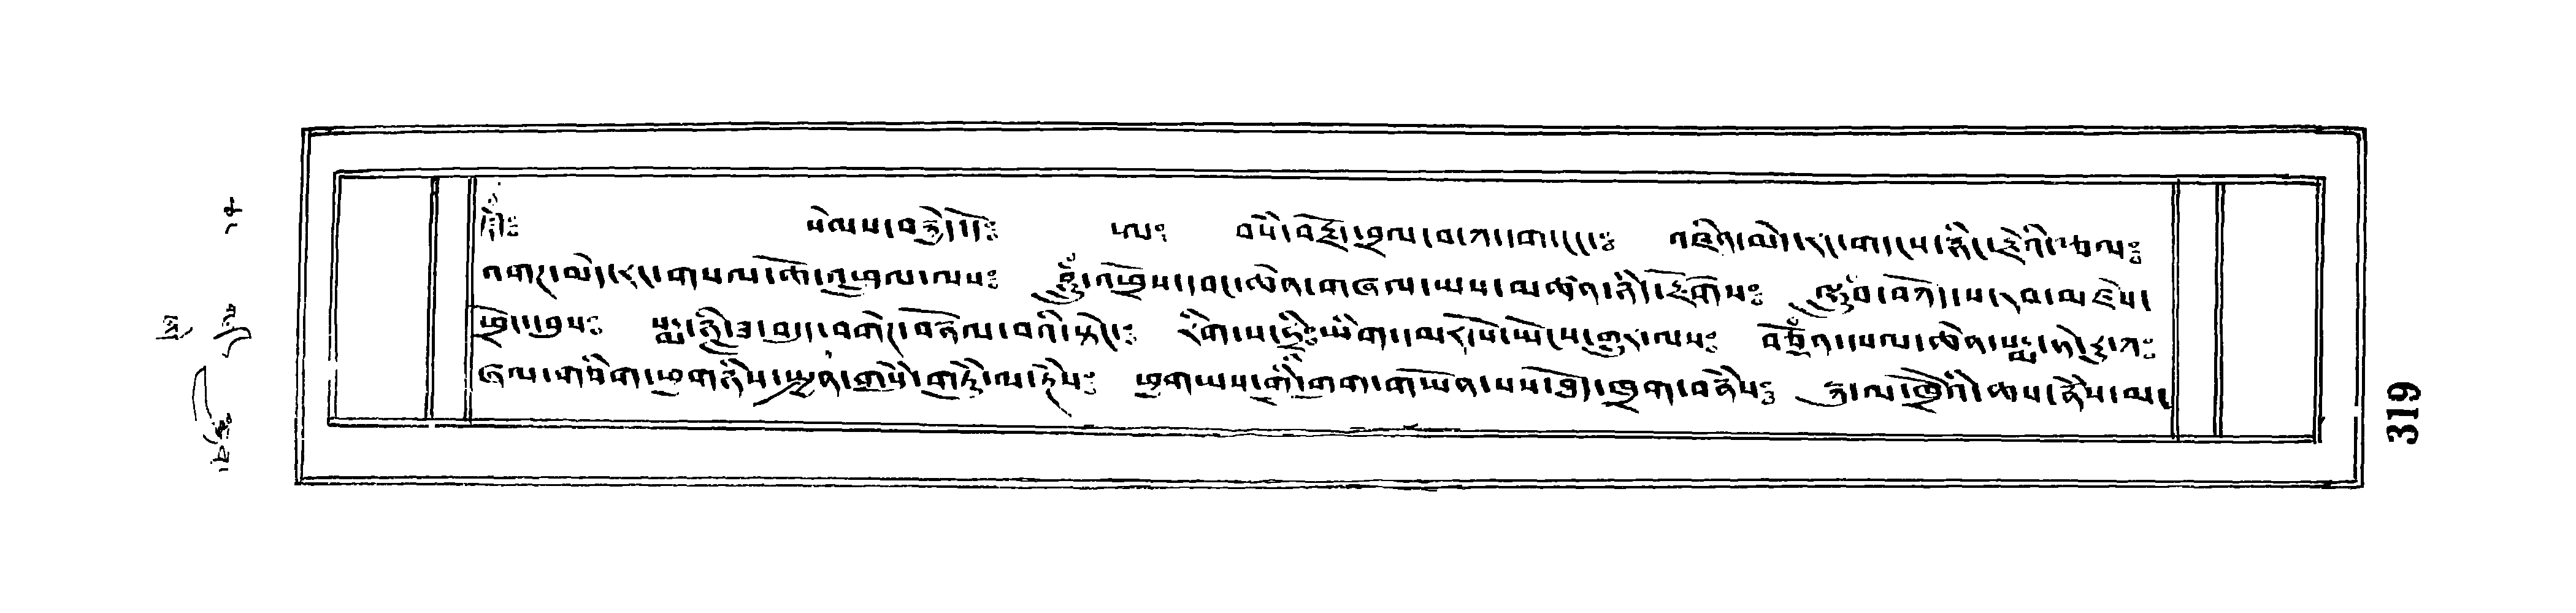སེམས་བསྐྱེད་དོ༔ ཨཱཿ བསམ་བརྗོད་བྲལ་བ་ཀ་དག་ངང༔ འཛིན་མེད་རང་གདངས་སྙིང་རྗེའི་རྩལ༔ 
འགག་མེད་རང་གསལ་ཆོ་འཕྲུལ་ལས༔ བྷྲཱུྃ་འཕྲོས་དབང་ཆེན་གཞལ་ཡས་མཚན་ཉིད་རྫོགས༔ ལྷུན་གྲུབ་བཀོད་པ་རབ་མཛེས་
ཕོ་བྲང་དབུས༔ པདྨ་ཉི་ཟླ་བདུད་བགེགས་བསྣོལ་བའི་སྟེང༔ རིག་པ་ཧྲཱིཿཡིག་དམར་པོ་ཡོངས་གྱུར་ལས༔ བཅོམ་ལྡན་དཔལ་ཆེན་པདྨ་ཧེ་རུ་ཀ༔ 
ཞལ་གཅིག་ཕྱག་གཉིས་སྤྱན་གསུམ་གཏུམ་ལ་རྔམས༔ ཕྱག་གཡས་གྲི་གུག་གཡོན་པས་ཐོག་ཁྲག་བསྣམས༔ སྐུ་ལ་ཁྲོ་བོའི་ཆས་རྣམས་མ་